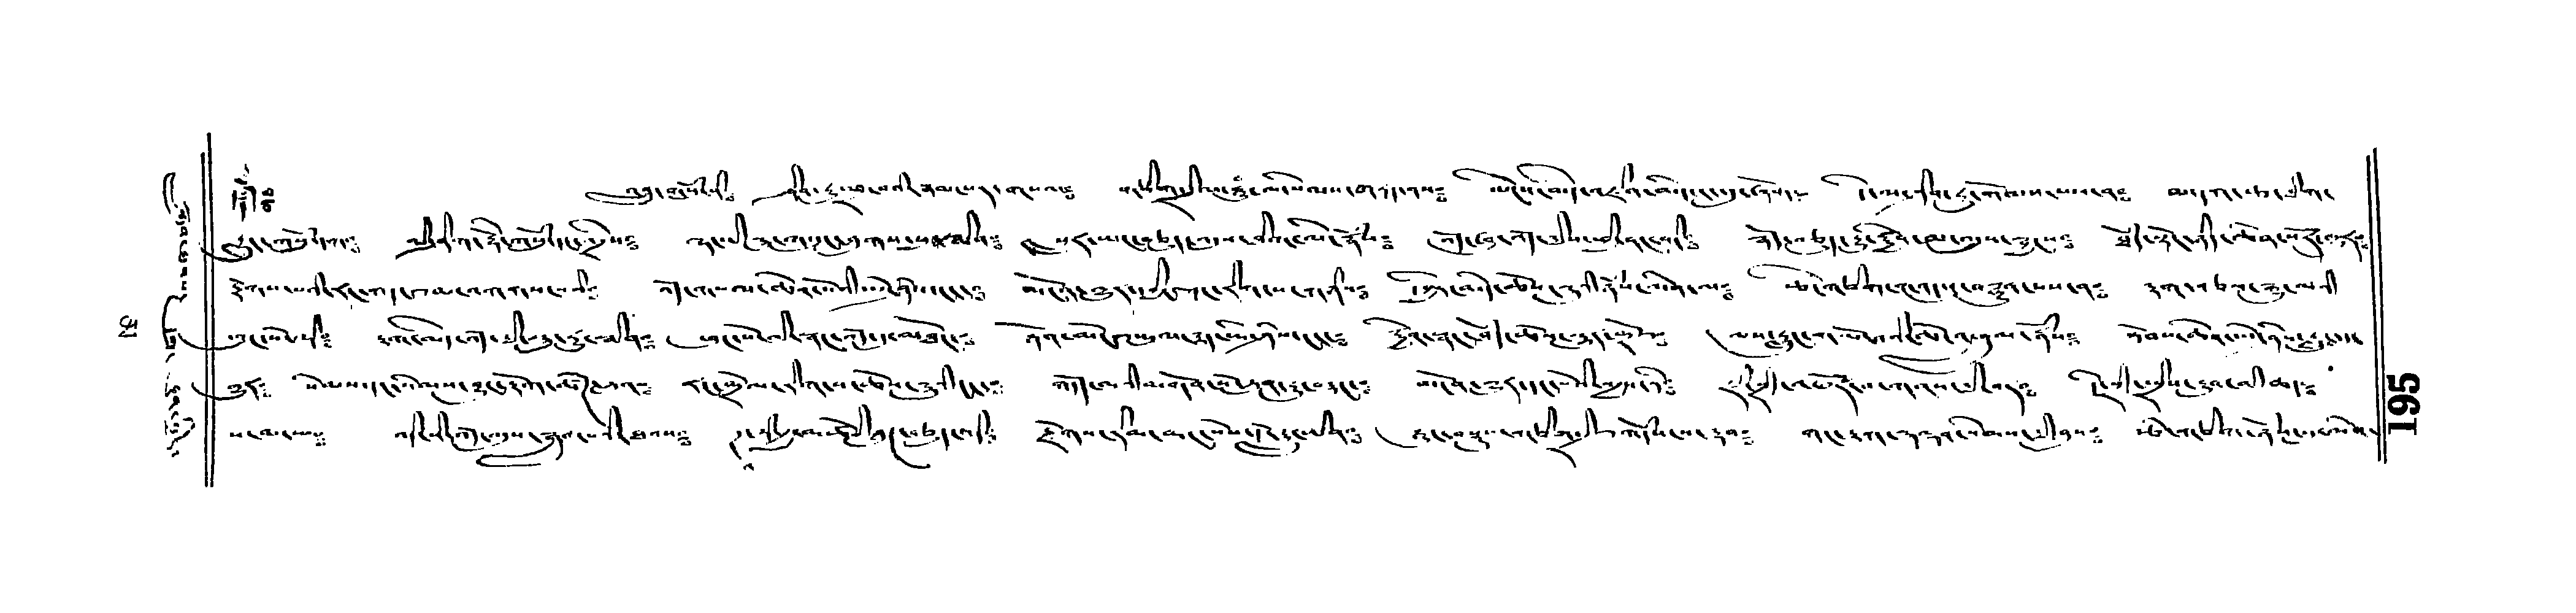འབྲུ་གསུམ་ནི༔ ཤིན་ཏུ་ཕྲ་བའི་རྣམ་པར་གསལ༔ གཅིག་དྲིལ་ཧཱུཾ་ལ་སེམས་གཏད་ནས༔ ཡེངས་མེད་འཛིན་མེད་ངང་དུ་ཞོག༔ དེ་ལ་ཤིན་ཏུ་གོམས་པས་ན༔ མ་དག་རྩ་ཐིག་
རླུང་གསུམ་དག༔ མི་ཤིགས་རྡོ་རྗེ་གསུམ་དང་འདྲེས༔ ལྷ་ཡི་སྐུ་གསུང་ཐུགས་སུ་སྨིན༔ སླར་ཡང་བཅུད་འདུས་ཐིག་ལེ་རྣམས༔ འོད་ཞུ་འོད་ཀྱིས་ཕྱི་ནང་གི༔ སྣོད་བཅུད་རྒྱུ་རྐྱེན་མ་ལུས་སྦྱངས༔ ཐམས་ཅད་སྟོང་ཉིད་ཆེན་པོར་གྱུར༔ 
སྟོང་པའི་རང་གདངས་མ་འགགས་པའི༔ འོད་གསལ་ཆེན་པོའི་ཡེ་ཤེས་ངང༔ མངོན་གྱུར་དབྱིངས་དང་རིག་པ་གཉིས༔ དབྱེར་མེད་ཆོས་སྐུའི་ཉམས་ལེན་ལ༔ རྩེ་གཅིག་གནད་དུ་བསྣུན་པས་ན༔ ཟག་བཅས་སྒྱུ་མའི་
ཕུང་པོ་འདི༔ ཟག་མེད་འོད་ཀྱི་སྐུ་རུ་སྨིན༔ ཕུང་པོ་མི་སྣང་འོད་དུ་མཐོང༔ ཉོན་མོངས་ཡུལ་ཟད་ཡེ་ཤེས་ངང༔ རྐྱེན་སྣང་ཐམས་ཅད་ཆོས་སྐུར་གྲོལ༔ ལས་རླུང་གཡོས་བའི་ཆོ་འཕྲུལ་རྣམས༔ སྟོབས་ཆེན་ཡེ་ཤེས་རླུང་དུ་
གྱུར༔ སེམས་དང་སེམས་བྱུང་རྟོག་ཚོགས་ཀུན༔ རང་གྲོལ་རིག་པ་ཆོས་སྐུའི་ངང༔ གདོད་མའི་མགོན་པོ་ཀུན་ཏུ་བཟང༔ མངོན་གྱུར་དང་པོའི་སངས་རྒྱས་ཏེ༔ ཇི་སྲིད་འཁོར་བ་གནས་ཀྱི་བར༔ དེ་སྲིད་ཕྲིན་ལས་རྒྱུན་མི་ཆད༔ 
ས་མ་ཡ༔ འདི་ནི་འོད་ལུས་བསྒྲུབ་པའི་ཐབས༔ ཌཱ་ཀའི་རྒྱ་མཚོའི་ཐུགས་བཅུད་འདི༔ རྫོགས་རིམ་མང་པོས་དོ་ཟླ་མིན་༔ ཉུང་བསྡུས་གཅིག་དྲིལ་གདམས་པ་ཟབ༔ གང་ཟག་སྐལ་ལྡན་སེམས་ཀྱི་བུས༔ རྩེ་གཅིག་ཉམས་སུ་ལེན་